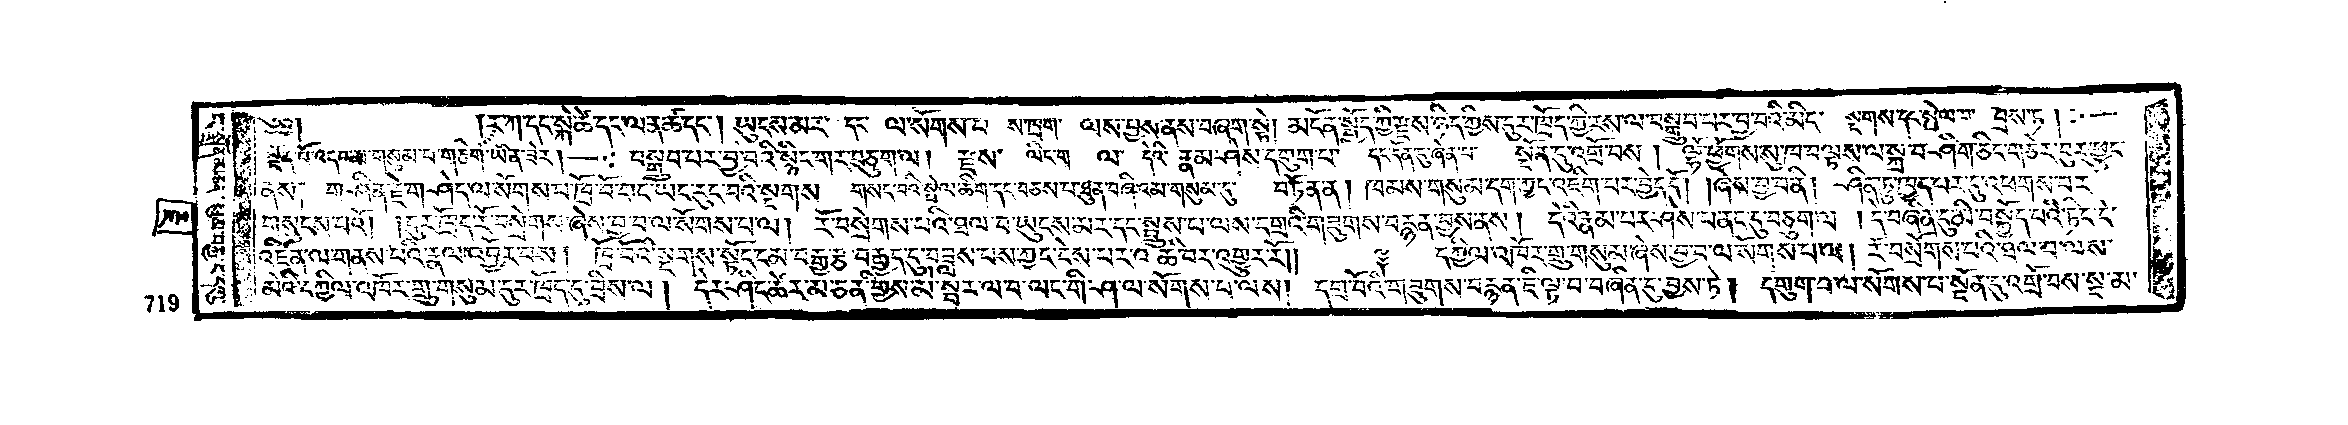༄༅། །ར་ཀ་དང་སྐེ་ཚེ་དང་ལན་ཚ་དང་། ཡུངས་མར་དང་ལ་སོགས་པས་ཁྲག་ལས་བྱས་ནས་བཞག་སྟེ། མངོན་སྤྱོད་ཀྱི་རྫས་ཉིད་ཀྱིས་ངུར་ཁྲོད་ཀྱི་རས་ལ་བསྒྲུབ་པར་བྱ་བའི་མིང་སྔགས་དང་སྤེལ་བ་བྲིས་ཏེ།
སྔོན་པོ་འདབ་མ་གསུམ་པ་གཅིག་ཡིན་ཟེར།  བསྒྲུབ་པར་བྱ་བའི་སྙིང་གར་བཅུག་ལ། རྫས་ལིང་ག་ལ་དེའི་རྣམ་ཤེས་དགུག་པ་དང་དོན་དུ་ཞེན་པ་སྔོན་དུ་འགྲོ་བས། ལྷོ་ཕྱོགས་སུ་ཁ་བལྟས་ལ་སྐྲ་བཤིག་ཅིང་གཅེར་བུར་ཕྱུང་
ནས། གཤིན་རྗེ་གཤེད་ལ་སོགས་པ་ཁྲོ་བོ་གང་ཡང་རུང་བའི་སྔགས་གསང་བའི་སྤེལ་ཚིག་དང་བཅས་པ་ཐུན་བཞིའམ་གསུམ་དུ་བཏོན་ན། ཁམས་གསུམ་དག་ཀྱང་འཇིག་པར་བྱེད་དོ། །ཞེས་བྱ་བ་ནི། ཤིན་ཏུ་ཁྱད་པར་དུ་འཕགས་པར་
གསུངས་པའོ། །དུར་ཁྲོད་རོ་བསྲེགས་ཞེས་བྱ་བ་ལ་སོགས་པ་ལ། རོ་བསྲེགས་པའི་ཐལ་བ་ཡུངས་མར་དང་སྦྲུས་པ་ལས་དགྲའི་གཟུགས་བརྙན་བྱས་ནས། དེའི་རྣམ་པར་ཤེས་པ་ནང་དུ་བཅུག་ལ། དེ་བཞིན་དུ་མི་བསྐྱོད་པའི་ཏིང་ངེ་
འཛིན་ལ་གནས་པའི་རྣལ་འབྱོར་པས། ཁྲོ་བོའི་སྔགས་སྟོང་ངམ་བརྒྱ་རྩ་བརྒྱད་དུ་བཟླས་པས་ཀྱང་ངེས་པར་འཆི་བར་འགྱུར་རོ།། ༈ དཀྱིལ་འཁོར་གྲུ་གསུམ་ཞེས་བྱ་བ་ལ་སོགས་པ་ལ། རོ་བསྲེགས་པའི་ཐལ་བ་ལས་
མེའི་དཀྱིལ་འཁོར་གྲུ་གསུམ་དུར་ཁྲོད་དུ་བྲིས་ལ། དེར་ཤིང་ཚེར་མ་ཅན་གྱིས་མེ་སྦར་ལ་བ་ལང་གི་ཤ་ལ་སོགས་པ་ལས། དགྲ་བོའི་གཟུགས་བརྙན་ཇི་ལྟ་བ་བཞིན་དུ་བྱས་ཏེ། དགུག་པ་ལ་སོགས་པ་སྔོན་དུ་འགྲོ་བས་སྔ་མ་